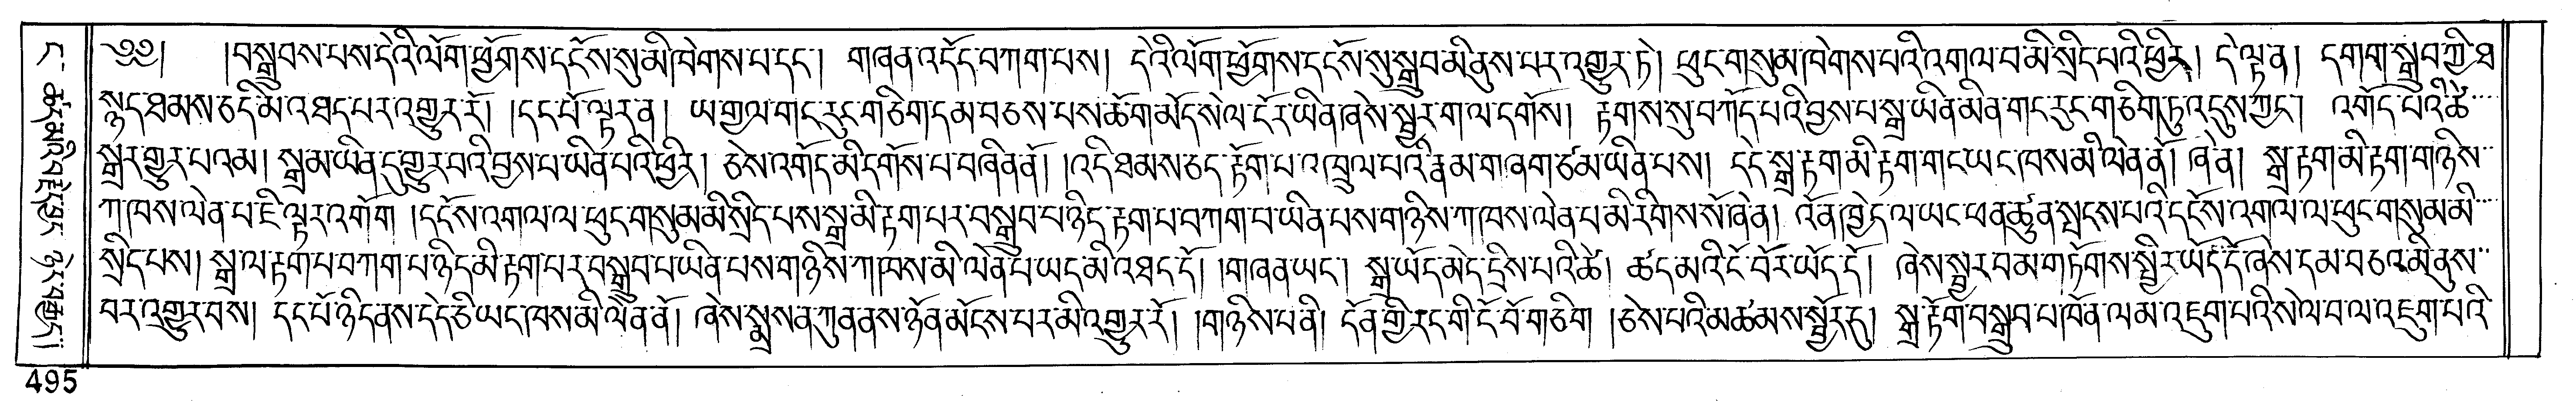༄༅། །བསྒྲུབས་པས་དེའི་ལོག་ཕྱོགས་དངོས་སུ་མི་ཁེགས་པ་དང་། གཞན་འདོད་བཀག་པས། དེའི་ལོག་ཕྱོགས་དངོས་སུ་སྒྲུབ་མི་ནུས་པར་འགྱུར་ཏེ། ཕུང་གསུམ་ཁེགས་པའི་འགལ་བ་མི་སྲིད་པའི་ཕྱིར། དེ་ལྟ་ན། དགག་སྒྲུབ་ཀྱི་ཐ་
སྙད་ཐམས་ཅད་མི་འཐད་པར་འགྱུར་རོ། །དང་པོ་ལྟར་ན། ཡ་གྱལ་གང་རུང་གཅིག་དམ་བཅས་པས་ཆོག་མོད་སེལ་དོར་ཡིན་ཞེས་སྦྱར་ག་ལ་དགོས། རྟགས་སུ་བཀོད་པའི་བྱས་བ་སྒྲ་ཡིན་མིན་གང་རུང་གཅིག་ཏུ་འདུས་ཀྱང་། འགོད་པའི་ཚེ་
སྒྲར་གྱུར་བའམ། སྒྲ་མ་ཡིན་དུ་གྱུར་བའི་བྱས་པ་ཡིན་པའི་ཕྱིར། ཅེས་འགོད་མི་དགོས་པ་བཞིན་ནོ། །འདི་ཐམས་ཅད་རྟོག་པ་འཁྲུལ་བའི་རྣམ་གཞག་ཙམ་ཡིན་པས། ངེད་སྒྲ་རྟག་མི་རྟག་གང་ཡང་ཁས་མི་ལེན་ནོ། ཞེ་ན། སྒྲ་རྟག་མི་རྟག་གཉིས་
ཀ་ཁས་ལེན་པ་ཇི་ལྟར་འགོག །དངོས་འགལ་ལ་ཕུད་གསུམ་མི་སྲིད་པས་སྒྲ་མི་རྟག་པར་བསྒྲུབ་པ་ཉིད་རྟག་པ་བཀག་བ་ཡིན་པས་གཉིས་ཀ་ཁས་ལེན་པ་མི་རིགས་སོ་ཞེ་ན། འོན་ཁྱེད་ལ་ཡང་ཕན་ཚུན་སྤངས་པའི་དངོས་འགལ་ལ་ཕུང་གསུམ་མི་
སྲིད་པས། སྒྲ་ལ་རྟག་པ་བཀག་པ་ཉིད་མི་རྟག་པར་བསྒྲུབ་པ་ཡིན་པས་གཉིས་ཀ་ཁས་མི་ལེན་པ་ཡང་མི་འཐད་དོ། །གཞན་ཡང་། སྒྲ་ཡོད་མེད་དྲིས་པའི་ཚེ། ཚད་མའི་ངོ་བོར་ཡོད་དོ། ཞེས་སྦྱར་བ་མ་གཏོགས་སྤྱིར་ཡོད་དོ་ཞེས་དམ་བཅའ་མི་ནུས་
བར་འགྱུར་བས། དང་པོ་ཉིད་ནས་ངེད་ཅི་ཡང་ཁས་མི་ལེན་ནོ། ཞེས་སྨྲས་ན་ཀུན་ནས་ཉོན་མོངས་པར་མི་འགྱུར་རོ། །གཉིས་པ་ནི། དོན་གྱི་རང་གི་ངོ་བོ་གཅིག །ཅེས་པའི་མཚམས་སྦྱོར་དུ། སྒྲ་རྟོག་བསྒྲུབ་པ་ཁོ་ན་ལ་མི་འཇུག་པའི་སེལ་བ་ལ་འཇུག་པའི་